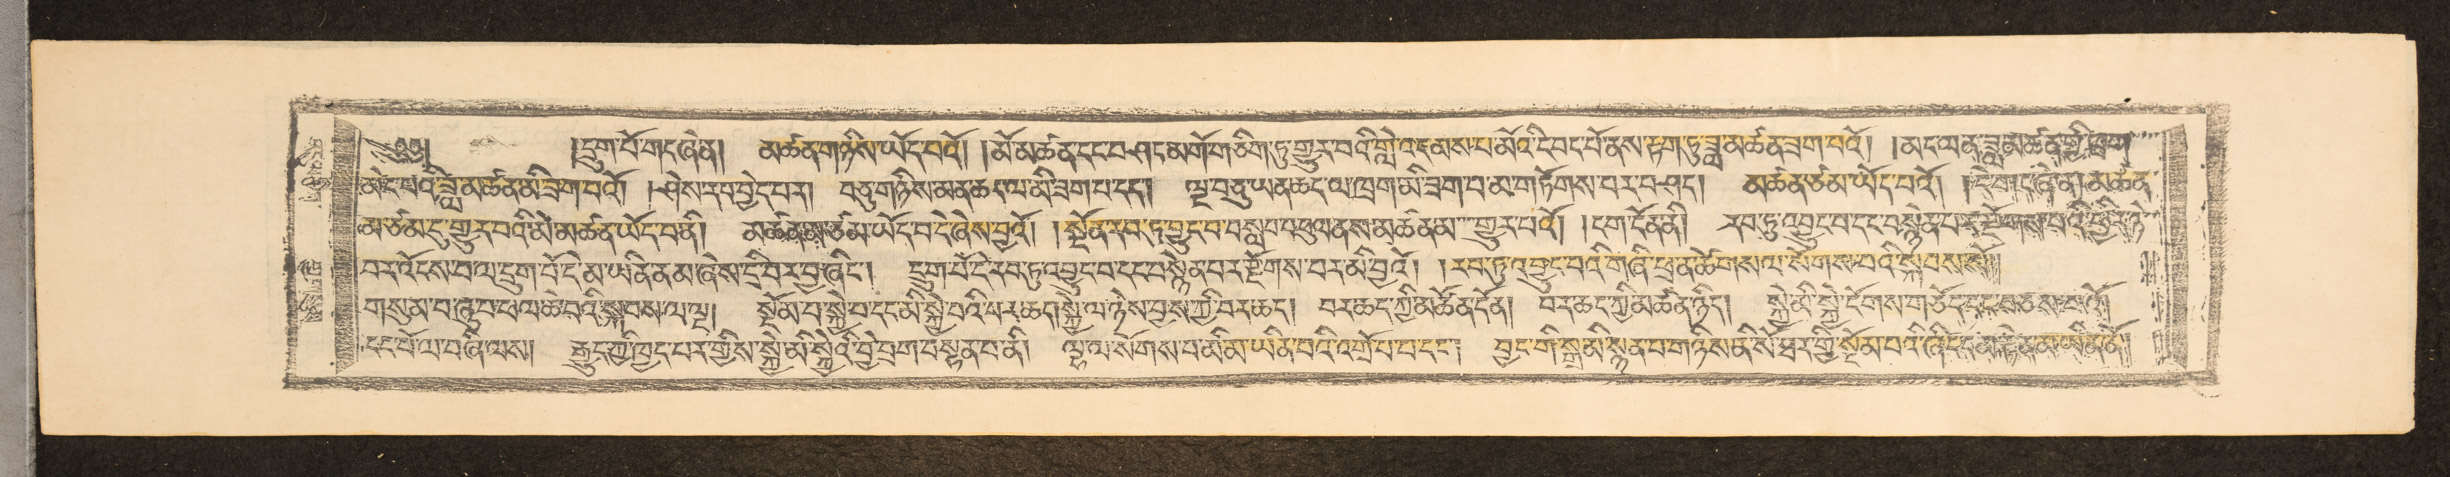༄༅། །དྲུག་པོ་གང་ཞེ་ན། མཚན་གཉིས་ཡོད་པའོ། །མོ་མཚན་དང་བཤད་མགོ་གཅིག་ཏུ་གྱུར་པའི་གླེ་འདམས་པ་མོའི་དབང་པོ་ནས་རྟག་ཏུ་ཟླ་མཚན་ཟག་པའོ། །མངལ་ན་ཟླ་མཚན་གྱི་ཁྲག་
མེད་པའི་ཟླ་མཚན་མི་ཟག་པའོ། །ཤེས་རབ་བྱེད་པར། བཅུ་གཉིས་མན་ཆར་ལ་མི་ཟག་པ་དང་། ལྔ་བཅུ་ཡན་ཆད་ལ་ཁྲག་མི་ཟག་པ་མ་གཏོགས་པར་བཤད། མཚན་ཙམ་ཡོད་པའོ། །དེ་གང་ཞེ་ན། མཚན་
མ་ཙམ་དུ་གྱུར་པའི་མོ་མཚན་ཡོད་པ་ནི། མཚན་མ་ཙམ་ཡོད་པ་དེ་ཞེས་བྱའོ། །སྔོན་རབ་ཏུ་བྱུང་བ་བསླབ་པ་ཕུལ་ནས་མཚན་མ་གྱུར་པའོ། །ངག་དོན་ནི། རབ་ཏུ་འབྱུང་བ་དང་བསྙེན་པར་རྫོགས་པའི་ཕྱིར་ཉེ་
བར་འོངས་པ་ལ་དྲུག་པོ་དེ་མ་ཡིན་ནམ་ཞེས་དྲི་བར་བྱ་ཞིང་། དྲུག་པོ་དེ་རབ་ཏུ་འབྱུང་བ་དང་བསྙེན་པར་རྫོགས་པར་མི་བྱའོ། །རབ་ཏུ་འབྱུང་པའི་གཞི་ཕྲ་ན་ཚེགས་ལ་སོགས་པའི་སྐབས་སོ།། །།
གསུམ་པ་ཞུ་པ་ཕལ་ཆེ་བའི་སྐབས་ལ་ལྔ། སྡོམ་པ་སྐྱེ་བ་དང་མི་སྐྱེ་བའི་བར་ཆད། སྐྱེ་ལ་ཉེས་བྱས་ཀྱི་བར་ཆད། བར་ཆད་ཀྱི་མཚོན་དོན། བར་ཆད་ཀྱི་མཚན་ཉིད། སྐྱེ་མི་སྐྱེ་དོགས་གཅོད་དང་བཅས་པའོ། །
དང་པོ་ལ་བཞི་ལས། རྒྱུད་ཀྱི་ཁྱད་པར་གྱིས་སྐྱེ་མི་སྐྱེའི་བྱེ་བྲག་བསྟན་པ་ནི། ལྷ་ལ་སོགས་པ་མི་མ་ཡིན་པའི་འགྲོ་པ་པ་དང་། བྱང་གི་སྒྲ་མི་སྙན་པ་གཉིས་ནི་སོ་ཐར་གྱི་སྡོམ་པའི་ཞིང་དམ་རྟེན་མ་ཡིན་ནོ། །